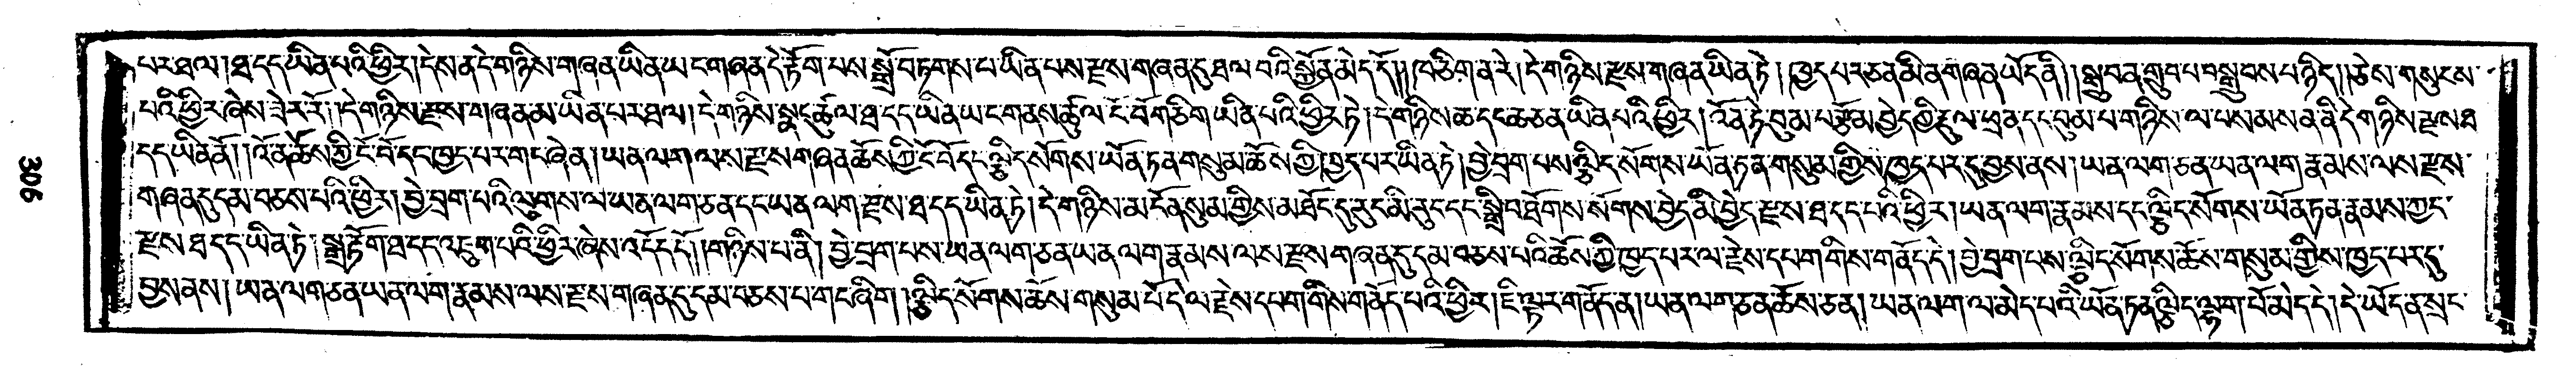པར་ཐལ། ཐ་དད་ཡིན་པའི་ཕྱིར། དེས་ན་དེ་གཉིས་གཞན་ཡིན་ཡང་གཞན་དེ་རྟོག་པས་སྒྲོ་བཏགས་པ་ཡིན་པས་རྫས་གཞན་དུ་ཐལ་བའི་སྐྱོན་མེད་དོ། །ཁ་ཅིག་ན་རེ། དེ་གཉིས་རྫས་གཞན་ཡིན་ཏེ། ཁྱད་པར་ཅན་མིན་གཞན་ཡོད་ནི། །སྒྲུབ་ན་གྲུབ་པ་བསྒྲུབས་པ་ཉིད། །ཅེས་གསུངས་
པའི་ཕྱིར་ཞེས་ཟེར་རོ། །དེ་གཉིས་རྫས་གཞན་མ་ཡིན་པར་ཐལ། དེ་གཉིས་སྣང་ཚུལ་ཐ་དད་ཡིན་ཡང་གནས་ཚུལ་ངོ་བོ་གཅིག་ཡིན་པའི་ཕྱིར་ཏེ། དེ་གཉིས་ཆ་དང་ཆ་ཅན་ཡིན་པའི་ཕྱིར། འོན་ཏེ་བུམ་པ་རྩོམ་བྱེད་ཀྱི་རྡུལ་ཕྲན་དང་བུམ་པ་གཉིས་ལ་བསམས་ན་ནི་དེ་གཉིས་རྫས་ཐ་
དད་ཡིན་ནོ། །འོ་ན་ཆོས་ཀྱི་ངོ་བོ་དང་ཁྱད་པར་གང་ཞེ་ན། ཡན་ལག་ལས་རྫས་གཞན་ཆོས་ཀྱི་ངོ་བོ་དང་ལྕིད་སོགས་ཡོན་ཏན་གསུམ་ཆོས་ཀྱི་ཁྱད་པར་ཡིན་ཏེ། བྱེ་བྲག་པས་ལྕིད་སོགས་ཡོན་ཏན་གསུམ་གྱིས་ཁྱད་པར་དུ་བྱས་ནས། ཡན་ལག་ཅན་ཡན་ལག་རྣམས་ལས་རྫས་
གཞན་དུ་དམ་བཅས་པའི་ཕྱིར། བྱེ་བྲག་པའི་ལུགས་ལ་ཡན་ལག་ཅན་དང་ཡན་ལག་རྫས་ཐ་དད་ཡིན་ཏེ། དེ་གཉིས་མངོན་སུམ་གྱིས་མཐོང་དུ་རུང་མི་རུང་དང་སྒྲིབ་ཐོགས་སོགས་བྱེད་མི་བྱེད་རྫས་ཐ་དད་པའི་ཕྱིར། ཡན་ལག་རྣམས་དང་ལྕིད་སོགས་ཡོན་ཏན་རྣམས་ཀྱང་
རྫས་ཐ་དད་ཡིན་ཏེ། སྒྲ་རྟོག་ཐ་དད་འཇུག་པའི་ཕྱིར་ཞེས་འདོད་དོ། །གཉིས་པ་ནི། བྱེ་བྲག་པས་ཡན་ལག་ཅན་ཡན་ལག་རྣམས་ལས་རྫས་གཞན་དུ་དམ་བཅས་པའི་ཆོས་ཀྱི་ཁྱད་པར་ལ་རྗེས་དཔག་གིས་གནོད་དེ། བྱེ་བྲག་པས་ལྕིད་སོགས་ཆོས་གསུམ་གྱིས་ཁྱད་པར་དུ་
བྱས་ནས། ཡན་ལག་ཅན་ཡན་ལག་རྣམས་ལས་རྫས་གཞན་དུ་དམ་བཅས་པ་གང་ཞིག །ལྕིད་སོགས་ཆོས་གསུམ་པོ་དེ་ལ་རྗེས་དཔག་གིས་གནོད་པའི་ཕྱིར། ཇི་ལྟར་གནོད་ན། ཡན་ལག་ཅན་ཆོས་ཅན། ཡན་ལག་ལ་མེད་པའི་ཡོན་ཏན་ལྕིད་ལྷག་པོ་མེད་དེ། དེ་ཡོད་ན་སྲང་